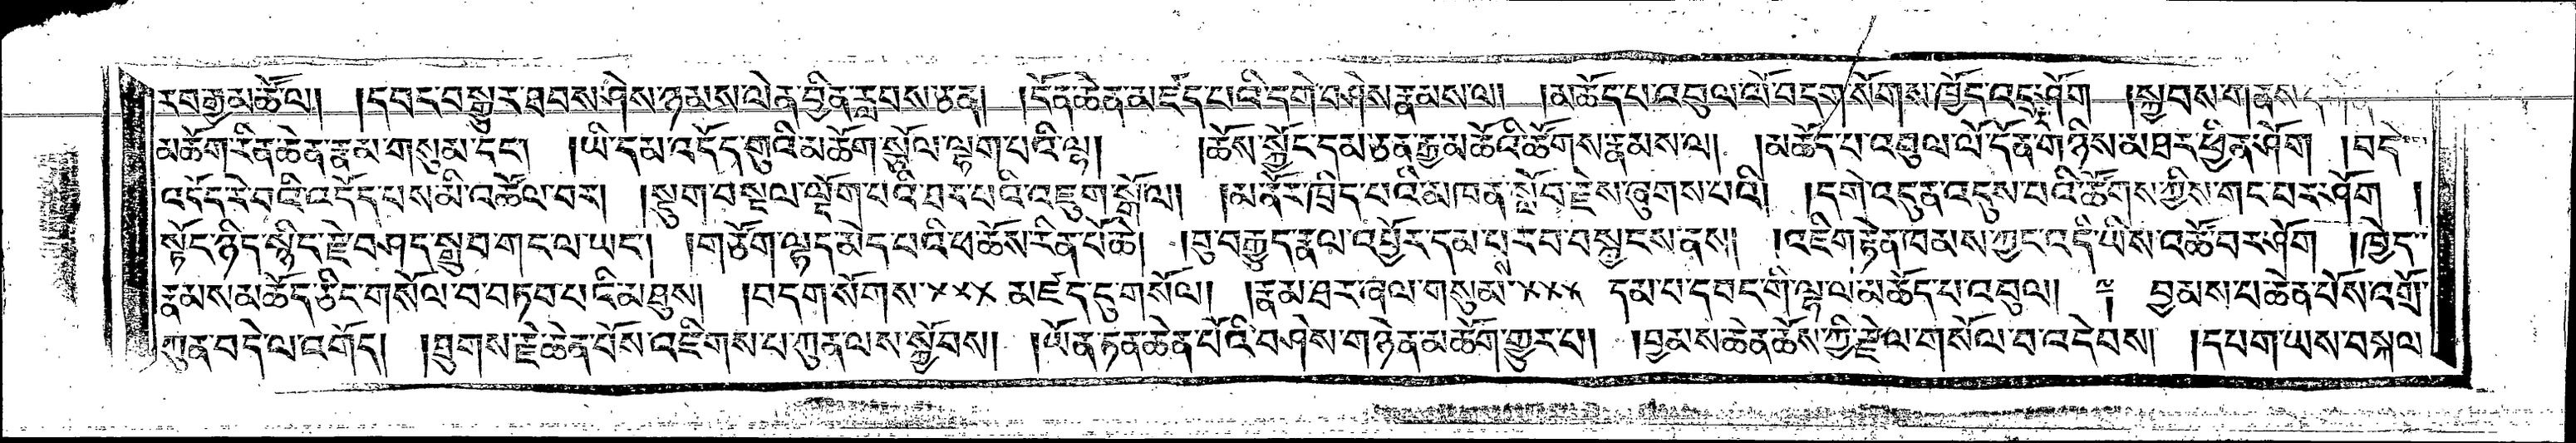རབ་རྒྱ་མཚོ་ལ། །དབང་བསྒྱུར་ཐབས་ཤེས་ཉམས་ལེན་བྱིན་རླབས་ཅན། །དོན་ཆེན་མཛད་པའི་དགེ་བཤེས་རྣམས་ལ། །མཆོད་པ་འབུལ་ལོ་བདག་སོགས་ཁྱོད་འདྲར་ཤོག །སྐྱབས་གནས་དཀོན་
མཆོག་རིན་ཆེན་རྣམ་གསུམ་དང་། །ཡི་དམ་འདོད་གུའི་མཆོག་སྩོལ་ལྷག་པའི་ལྷ། །ཆོས་སྐྱོང་དམ་ཅན་རྒྱ་མཚོའི་ཚོགས་རྣམས་ལ། །མཆོད་པ་འབུལ་ལོ་དོན་གཉིས་མཐར་ཕྱིན་ཤོག །བདེ་
འདོད་རེ་བའི་འདོད་པས་མི་འཚོལ་བར། །སྡུག་བསྔལ་ལྡོག་པའི་ཐར་པའི་འཇུག་སྒོ་ལ། །མ་ནོར་ཁྲིད་པའི་མཁན་སློབ་རྗེས་ཞུགས་པའི། །དགེ་འདུན་འདུས་པའི་ཚོགས་ཀྱིས་གང་བར་ཤོག །
སྟོང་ཉིད་སྙིང་རྗེ་བཤད་སྒྲུབ་གང་ལ་ཡང་། །གཙོག་ལྷད་མེད་པའི་ཕ་ཆོས་རིན་པོ་ཆེ། །བུ་བརྒྱུད་རྣལ་འབྱོར་དམ་པས་རབ་བསྐྱངས་ནས། །འཇིག་རྟེན་ཁམས་ཀྱང་འདི་ཡིས་འཚོ་བར་ཤོག །ཁྱེད་
རྣམས་མཆོད་ཅིང་གསོལ་བ་བཏབ་པའི་མཐུས། །བདག་སོགས་{྾}་{྾}་{྾}་མཛད་དུ་གསོལ། །རྣམ་ཐར་ཞལ་གསུམ་{྾}་{྾}་{྾}་དམ་པ་དབང་གི་ལྷ་ལ་མཆོད་པ་འབུལ། ༈ བྱམས་པ་ཆེན་པོས་འགྲོ་
ཀུན་བདེ་ལ་འགོད། །ཐུགས་རྗེ་ཆེན་པོས་འཇིགས་པ་ཀུན་ལས་སྐྱོབས། །ཡོན་ཏན་ཆེན་པོའི་བཤེས་གཉེན་མཆོག་གྱུར་པ། །བྱམས་ཆེན་ཆོས་ཀྱི་རྗེ་ལ་གསོལ་བ་འདེབས། །དཔག་ཡས་བསྐལ་